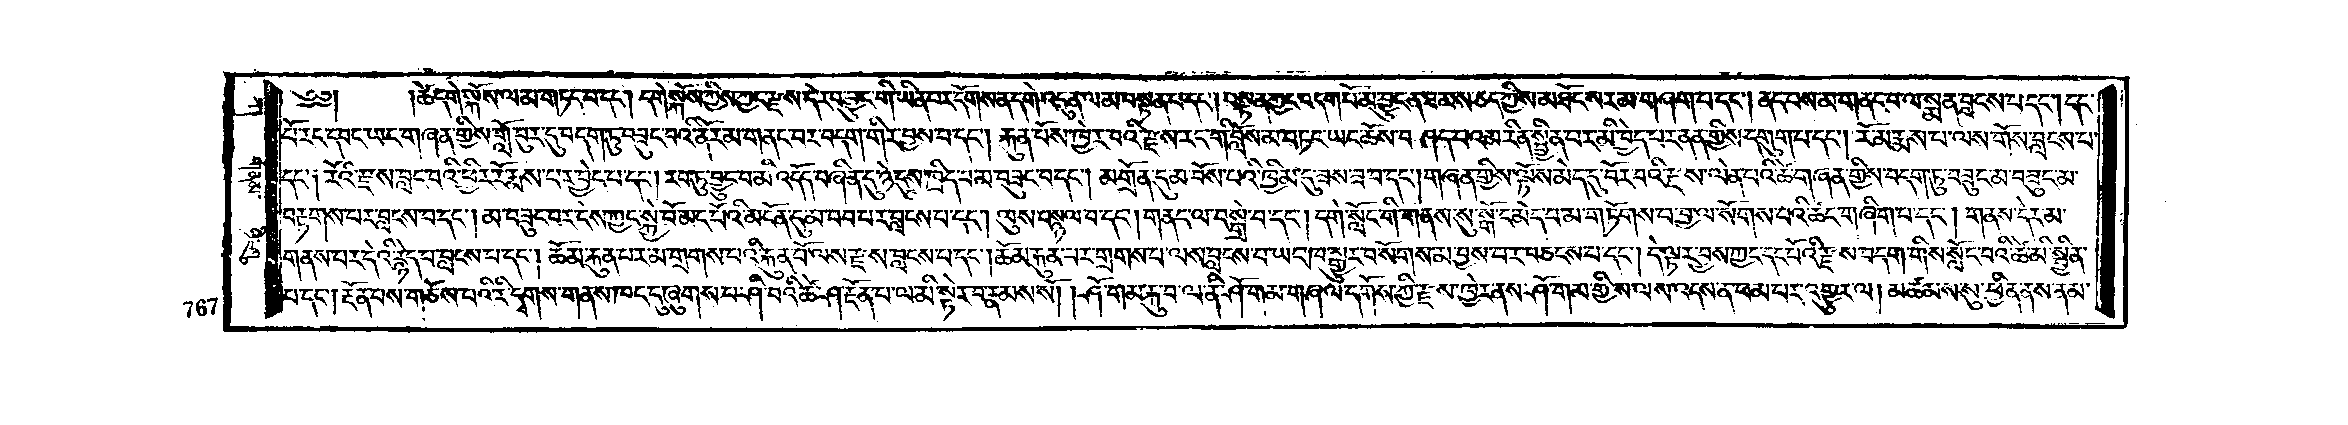༄༅། །ཚེ་དགེ་ལྐོས་ལ་མ་གཏད་བ་དང་། དགེ་སྐོས་ཀྱིས་ཀྱང་རྫས་དེ་རབ་བྱུང་གི་ཡིན་པར་དོགས་ན་དགེ་འདུན་ལ་མ་བསྟན་པ་དང་། བསྟན་ཀྱང་བདག་པོ་མ་བྱུང་ན་ཐམས་ཅད་ཀྱིས་མཐོང་སར་མ་གཞག་པ་དང་། ནད་པས་མ་གནང་བ་ལ་སྨན་བླངས་པ་དང་། དང་
པོ་རང་དབང་ཡང་གཞན་གྱིས་གློ་བུར་དུ་བདག་ཏུ་བཟུང་བའི་ནོར་མ་གནང་བར་བདག་གིར་བྱས་པ་དང་། རྐུན་པོས་ཁྱེར་བའི་རྫས་རང་གི་བློས་མ་བཏང་ཡང་ཆོས་བཤད་པའམ་རིན་སྦྱིན་པར་མི་བྱེད་པར་ནན་གྱིས་དགུག་པ་དང་། རོ་མ་རྨས་པ་ལས་གོས་བླངས་པ་
དང༑ རོའི་རྫས་བླང་བའི་ཕྱིར་རོ་རྨས་པར་བྱེད་པ་དང་། རབ་ཏུ་བྱུང་བ་མི་འདོད་བཞིན་དུ་ཉེ་དུས་ཁྲིད་པ་མ་བཟུང་བ་དང་། མགྲོན་དུ་མ་བོས་པའི་ཁྱིམ་དུ་ཟས་ཟ་བ་དང་། གཞན་གྱིས་ལྟོས་མེད་དུ་བོར་བའི་རྫས་ལེན་པའི་ཚེ་གཞན་གྱིས་བདག་ཏུ་བཟུང་མ་བཟུང་མ་
བརྟགས་པར་བླངས་པ་དང་། མ་བཟུང་བར་ངེས་ཀྱང་སྐྱེ་བོ་མང་པོའི་མངོན་དུ་མ་བབ་པར་བླངས་པ་དང་། ལུས་བསྙལ་བ་དང་། གནང་ལ་བསྒྲེ་བ་དང་། དགེ་སློང་གི་གནས་སུ་སྒོ་ང་མེད་པ་མ་གཏོགས་པ་བྱ་ལ་སོགས་པའི་ཚང་གཞིག་པ་དང་། གནས་དེར་མ་
གནས་པར་དེའི་རྙེད་པ་བླངས་པ་དང་། ཆོམ་རྐུན་པར་མ་གྲགས་པའི་རྐུན་པོ་ལས་རྫས་བླངས་པ་དང་། ཆོམ་རྐུན་པར་གྲགས་པ་ལས་བླངས་པ་ཡང་ཁ་སྒྱུར་བ་སོགས་མ་བྱས་པར་བཅངས་པ་དང་། དེ་ལྟར་བྱས་ཀྱང་དང་པོའི་རྫས་བདག་གིས་སློང་བའི་ཚེ་མི་སྦྱིན་
པ་དང་། རྔོན་པས་གཅོས་པའི་རི་དྭགས་གནས་ཁང་དུ་ཞུགས་པ་ཤི་བའི་ཚེ་ཤ་རྔོན་པ་ལ་མི་སྟེར་བ་རྣམས་སོ། །ཤོ་གམ་རྐུ་བ་ལ་ནི་ཤོ་གམ་གཞལ་དགོས་ཀྱི་རྫས་ཁྱེར་ནས་ཤོ་ག་མ་གྱིས་?་ལས་འདས་ན་ཕམ་པར་འགྱུར་ལ། མཚམས་སུ་ཕྱིན་ནས་ནམ་